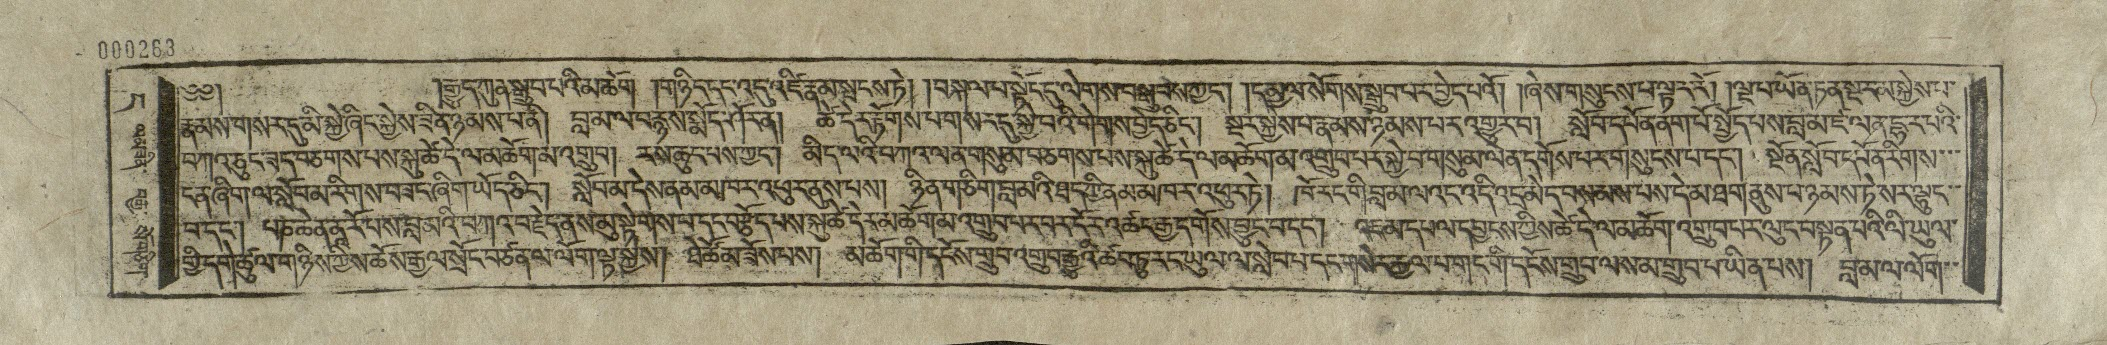༄༅། །རྒྱུད་ཀུན་སྒྲུབ་པའི་མཆོག །གཉིད་དང་འདུ་འཛི་རྣམ་སྤངས་ཏེ། །བསྐལ་པ་སྟོང་དུ་ལེགས་བསྒྲུབས་ཀྱང་། །དམྱལ་སོགས་སྒྲུབ་པར་བྱེད་པའོ། །ཞེས་གསུངས་པ་ལྟར་རོ། །ལྔ་པ་ཡོན་ཏན་སྔར་མ་སྐྱེས་པ་
རྣམས་གསར་དུ་མི་སྐྱེ་ཞིང་སྐྱེས་ཟིན་ཉམས་པ་ནི། བླ་མ་ལ་བརྙས་སྨོད་ཤོར་ན། ཚེ་དེར་རྟོགས་པ་གསར་དུ་སྐྱེ་བའི་གེགས་བྱེད་ཅིང་། སྔར་སྐྱེས་པ་རྣམས་ཉམས་པར་འགྱུར་བ། སློབ་དཔོན་ནག་པོ་སྤྱོད་པས་བླ་མ་ཛ་ལན་དྷ་ར་པའི་
བཀའ་ཅུང་ཟད་བཅགས་པས་སྐུ་ཚེ་དེ་ལ་མཆོག་མ་འགྲུབ། རས་ཆུང་པས་ཀྱང་། མིད་ལའི་བཀའ་ལན་གསུམ་བཅགས་པས་སྐུ་ཚེ་དེ་ལ་མཆོག་མ་འགྲུབ་པར་སྐྱེ་བ་གསུམ་ལེན་དགོས་པར་གསུངས་པ་དང་། སྔོན་སློབ་དཔོན་རིགས་
ངན་ཞིག་ལ་སློབ་མ་རིགས་བཟང་ཞིག་ཡོད་ཅིང་། སློབ་མ་དེས་ནམ་མཁར་འཕུར་ནུས་པས། ཉིན་གཅིག་བླ་མའི་ཐད་ཀྱི་ནམ་མཁར་འཕུར་ཏེ། ཁོ་རང་གི་བླ་མ་ལའང་འདི་འདྲ་མེད་བསམས་པས་དེ་མ་ཐག་ནུས་པ་ཉམས་ཏེ་སར་ལྷུང་
བ་དང་། པཎ་ཆེན་ནཱ་རོ་པས་བླ་མའི་བཀའ་བརྗེད་ནས་མུ་སྟེགས་པ་དང་བརྩོད་པས་སྐུ་ཚེ་དེར་མཆོག་མ་འགྲུབ་པར་བར་དོར་འཚང་རྒྱ་དགོས་བྱུང་བ་དང་། འཇམ་དཔལ་དབྱངས་ཀྱིས་ཚེ་དེ་ལ་མཆོག་འགྲུབ་པར་ལུང་བསྟན་པའི་ལི་ཡུལ་
གྱི་དགེ་ཚུལ་གཉིས་ཀྱིས་ཆོས་རྒྱལ་སྲོང་བཙན་ལ་ལོག་ལྟ་སྐྱེས། ཐེ་ཚོམ་ཟོས་པས། མཆོག་གི་དངོས་གྲུབ་འགྲུབ་རྒྱུའི་ཚབ་ཏུ་རང་ཡུལ་ལ་སླེབ་པ་དང་གསེར་རྐྱལ་པ་གང་གི་དངོས་གྲུབ་ལས་མ་གྲུབ་པ་ཡིན་པས། བླ་མ་ལ་ལོག་